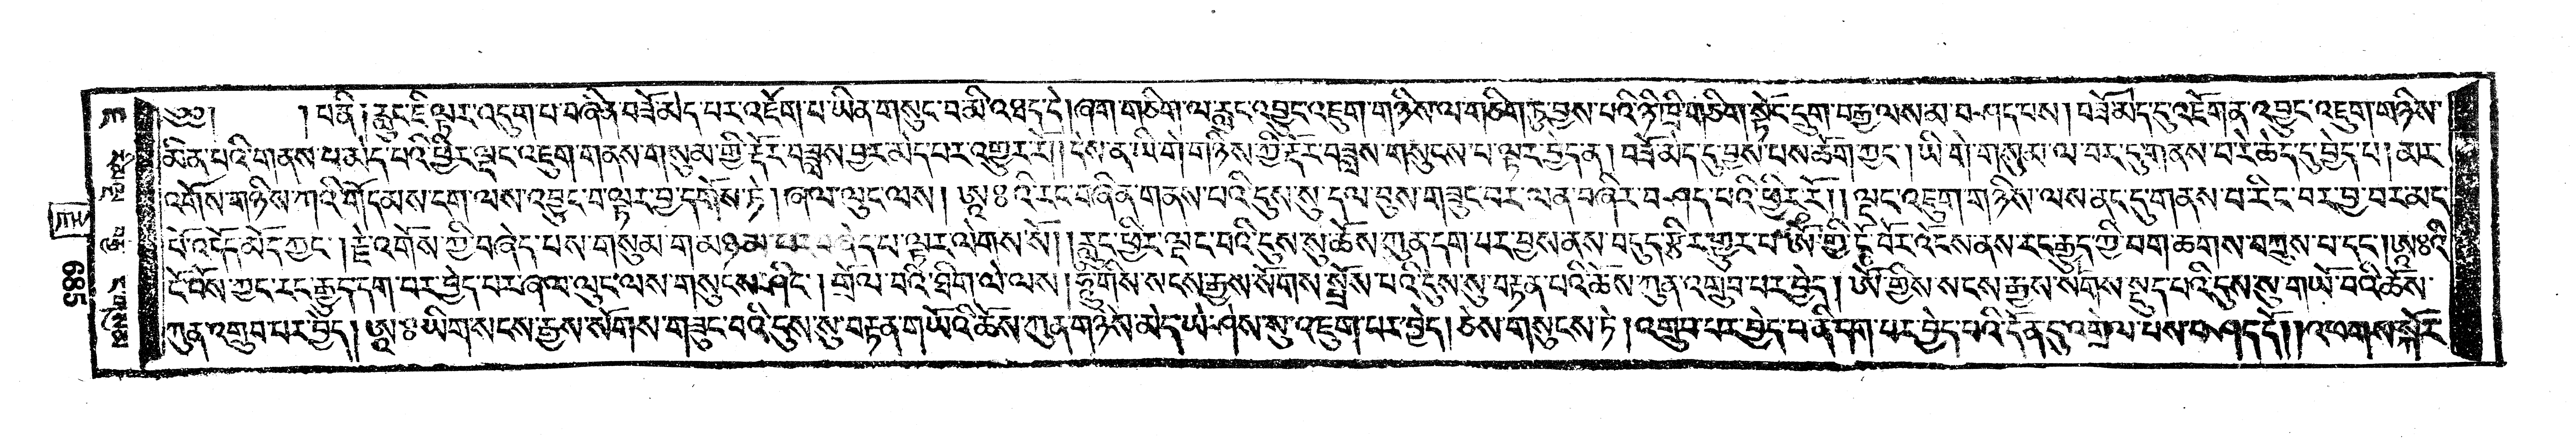༄༅། །པ་ནི། རླུང་ཇི་ལྟར་འདུག་པ་བཞིན་བཟོ་མེད་པར་འཇོག་པ་ཡིན་གསུང་བ་མི་འཐད་དེ། ཞག་གཅིག་ལ་རླུང་འབྱུང་འཇུག་གཉིས་ལ་གཅིག་ཏུ་བྱས་པའི་ཉི་ཁྲི་གཅིག་སྟོང་དྲུག་བརྒྱ་ལས་མ་བཤད་པས། བཟེ་མེད་དུ་འཇོག་ན་འབྱུང་འཇུག་གཉིས་
མིན་པའི་གནས་པ་མེད་པའི་ཕྱིར་ལྡང་འཇུག་གནས་གསུམ་གྱི་རྡོར་བཟླས་བྱར་མེད་པར་འགྱུར་རོ། །དེས་ན་ཡི་གེ་གཉིས་ཀྱི་རྡོར་བཟླས་གསུངས་པ་ལྟར་བྱེད་ན། བཟོ་མེད་དུ་བྱས་པས་ཆོག་ཀྱང་། ཡི་གེ་གསུམ་ལ་བར་དུ་གནས་པ་རེ་ཆེད་དུ་བྱེད་པ། མར་
འགོས་གཉིས་ཀའི་གདམས་ངག་ལས་འབྱུང་བ་ལྟར་བྱ་དགོས་ཏེ། ཞལ་ལུང་ལས། ཨཱཿ འི་རང་བཞིན་གནས་པའི་དུས་སུ་དལ་བུས་གཟུང་བར་ལན་བཞིར་བཤད་པའི་ཕྱིར་རོ། །ལྡང་འཇུག་གཉིས་ལས་ནང་དུ་གནས་པ་རིང་བར་བྱ་བར་མང་
པོ་འདོད་མོད་ཀྱང་། རྗེ་འགོས་ཀྱི་བཞེད་པས་གསུམ་ག་མཉམ་བར་བཞེད་པ་ལྟར་ལེགས་སོ། །རླུང་ཕྱིར་ལྡང་བའི་དུས་སུ་ཆོས་ཀུན་དག་པར་བྱས་ནས་བདུད་རྩིར་གྱུར་པ་ཨོཾ་གྱི་ངོ་བོར་འོངས་ནས་རང་རྒྱུད་ཀྱི་བག་ཆགས་བཀྲུས་པ་དང་། ཨཱཿ འི་
ངོ་བོས་ཀྱང་རང་རྒྱུད་དག་པར་བྱེད་པར་ཞལ་ལུང་ལས་གསུངས་ཤིང་། གྲོལ་བའི་ཐིག་ལེ་ལས། ཧཱུཾ་གིས་སངས་རྒྱས་སོགས་སྤྲོས་པའི་དུས་སུ་བརྟན་པའི་ཆོས་ཀུན་འགྲུབ་པར་བྱེད། ཨོཾ་གྱིས་སངས་རྒྱས་སོགས་སྡུད་པའི་དུས་སུ་གཡོ་བའི་ཆོས་
ཀུན་འགྲུབ་པར་བྱེད། ཨཱཿ ཡིག་སངས་རྒྱས་སོགས་གཟུང་བའི་དུས་སུ་བརྟན་གཡོའི་ཆོས་ཀུན་གཉིས་མེད་ཡེ་ཤེས་སུ་འཇུག་པར་བྱེད། ཅེས་གསུངས་ཏེ། འགྲུབ་པར་བྱེད་པ་ནི་དག་པར་བྱེད་པའི་དོན་དུ་འགྲེལ་པས་བཤད་དོ། །འཕགས་སྐོར་